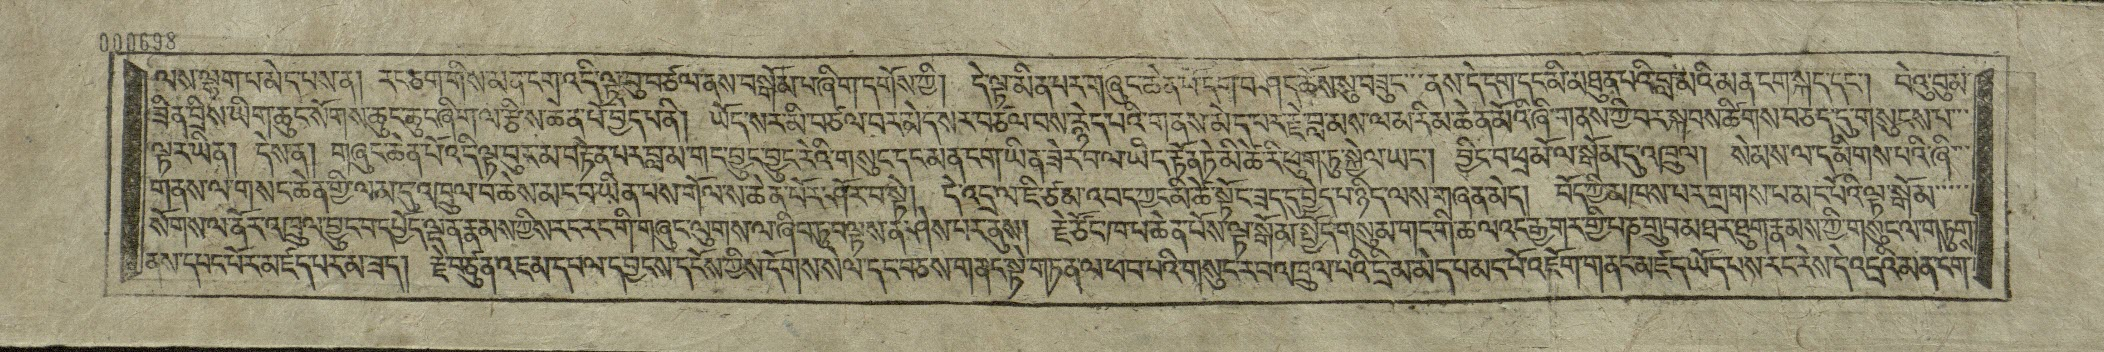ལས་ལྷག་པ་མེད་པས་ན། རང་ཅག་གིས་མན་ངག་འདི་ལྟ་བུ་བཙལ་ནས་བསྒོམ་པ་ཞིག་དགོས་ཀྱི། དེ་ལྟ་མིན་པར་གཞུང་ཆེན་པོ་དག་བཤད་ཆོས་སུ་བཟུང་ནས་དེ་དག་དང་མི་མཐུན་པའི་བླ་མའི་མན་ངག་སྐད་དང་། བེའུ་བུམ་
ཟིན་བྲིས་ཡིག་ཆུང་སོགས་ཆུང་ཆུང་ཞིག་ལ་རྩིས་ཆེན་པོ་བྱེད་པ་ནི། ཡོད་སར་མི་བཙལ་བར་མེད་སར་བཙལ་བས་རྙེད་པའི་གནས་མེད་པར་རྗེ་བླ་མས་ལམ་རིམ་ཆེན་མོའི་ཞི་གནས་ཀྱི་བར་སྐབས་ཚིགས་བཅད་དུ་གསུངས་པ་
ལྟར་ཡིན། དེས་ན། གཞུང་ཆེན་པོ་འདི་ལྟ་བུར་མ་བརྟེན་པར་བླ་མ་གང་བྱུང་བྱུང་རེའི་གསུང་དང་མན་ངག་ཡིན་ཟེར་བ་ལ་ཡིད་རྟོན་ཏེ་མི་ཚེ་རི་ཕུག་ཏུ་སྐྱེལ་ཡང་། བྱིང་བ་ཕྲ་མོ་ལ་སྒོམ་དུ་འཁྲུལ། སེམས་ལ་དམིགས་པའི་ཞི་
གནས་ལ་གསང་ཆེན་གྱི་ལམ་དུ་འཁྲུལ་བ་ཆེས་མང་བ་ཡིན་པས་གོལ་ས་ཆེན་པོར་ཤོར་བ་སྟེ། དེ་འདྲ་ལ་ཇི་ཙམ་འབད་ཀྱང་མི་ཚེ་སྟོང་ཟད་དུ་བྱེད་པ་ཉིད་ལས་གཞན་མེད། བོད་ཀྱི་མཁས་པར་གྲགས་པ་མང་པོའི་ལྟ་སྒོམ་
སོགས་ལ་ནོར་འཁྲུལ་བྱུང་བ་དཔྱོད་ལྡན་རྣམས་ཀྱིས་རང་རང་གི་གཞུང་ལུགས་ལ་ཞིབ་ཏུ་བལྟས་ན་ཤེས་པར་ནུས། རྗེ་ཙོང་ཁ་པ་ཆེན་པོས་ལྟ་སྒོམ་སྤྱོད་གསུམ་གང་གི་ཆ་ལའང་རྒྱ་གར་གྱི་པཎ་གྲུབ་མཐར་ཐུག་རྣམས་ཀྱི་གསུང་ལ་གཏུགས་
ནས་དབང་པོར་མཛད་པར་མ་ཟད། རྗེ་བཙུན་འཇམ་དཔལ་དབྱངས་དངོས་ཀྱིས་དོགས་སེལ་དང་བཅས་གནང་སྟེ་གཏན་ལ་ཕབ་པའི་གསུང་རབ་འཁྲུལ་པའི་དྲི་མ་མེད་པ་མང་པོ་འཇོག་གནང་མཛད་ཡོད་པས་རང་རེས་དེ་འདྲའི་མན་ངག་